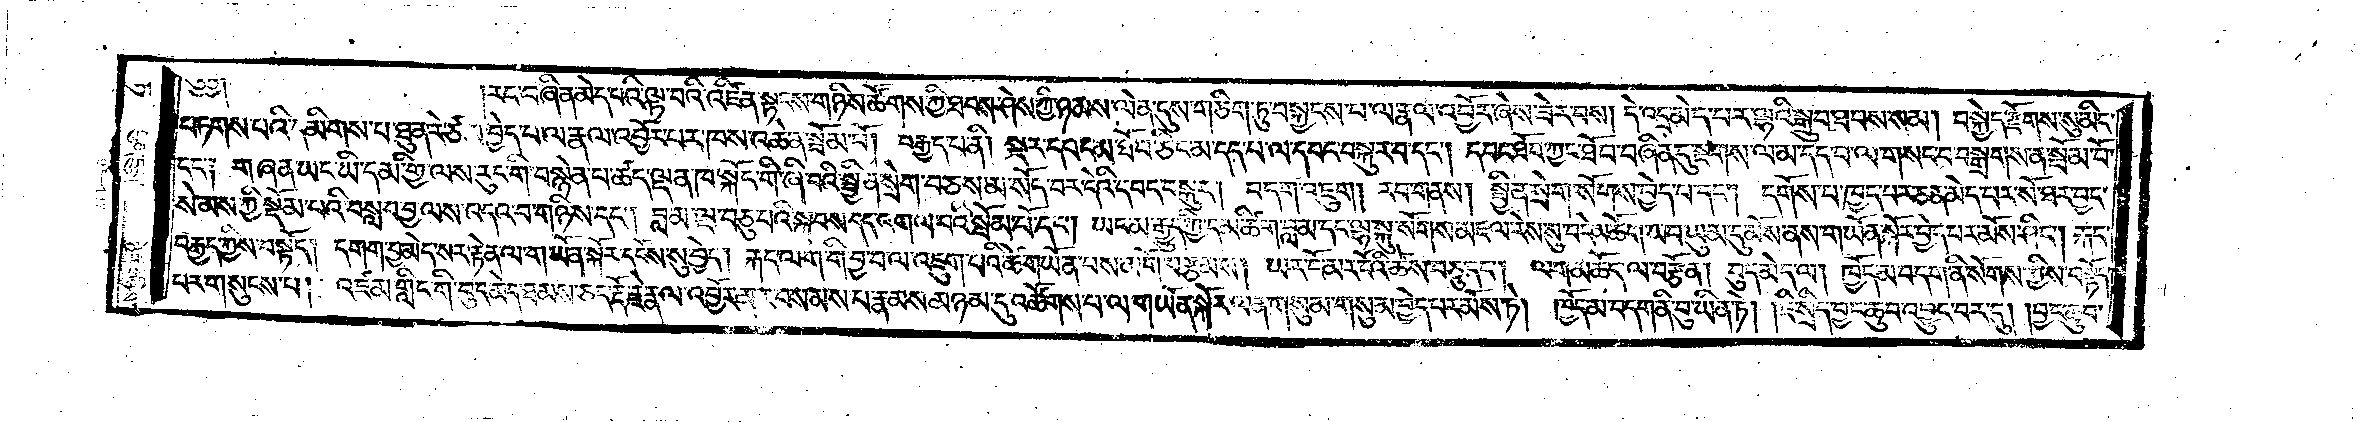༄༅། །རང་བཞིན་མེད་པའི་ལྟ་བའི་འཛིན་སྟངས་གཉིས་ཚོགས་ཀྱི་ཐབས་ཤེས་ཀྱི་ཉམས་ལེན་དུས་གཅིག་ཏུ་བསྐྱངས་པ་ལ་རྣལ་འབྱོར་ཞེས་ཟེར་བས། དེ་འདྲ་མེད་པར་ལྷའི་སྒྲུབ་ཐབས་སམ། བསྐྱེད་རྫོགས་སུ་མིང་
བཏགས་པའི་དམིགས་པ་ཐུན་རེ་ཙམ་བྱེད་པ་ལ་རྣལ་འབྱོར་པར་ཁས་འཆི་ན་སྦོམ་པོ། བརྒྱད་པ་ནི། སྔར་དབང་མ་ཐོབ་ཅིང་མ་དད་པ་ལ་དབང་བསྐུར་བ་དང་། དབང་ཐོབ་ཀྱང་ཐོབ་བཞིན་དུ་སྔགས་ལ་མ་དད་པ་ལ་གསང་བ་བསྒྲགས་ན་སྦོམ་པོ་
དང༑ གཞན་ཡང་ཡི་དམ་གྱི་ལས་རུང་གི་བསྙེན་པ་ཚད་ལྡན་ཁ་སྐོང་གི་ཞི་བའི་སྦྱིན་སྲེག་བཅས་མ་སོང་བར་དེའི་དབང་བསྐུར། བདག་འཇུག །རབ་གནས། སྦྱིན་སྲེག་སོགས་བྱེད་པ་དང་། དགོས་པ་ཁྱད་པར་ཅན་མེད་པར་སོ་ཐར་བྱང་
སེམས་ཀྱི་སྡོམ་པའི་བསླབ་བྱ་ལས་འདའ་བ་གཉིས་དང་། བླ་མ་ལྔ་བཅུ་པའི་སྐབས་དང་འགལ་བའི་སྦོམ་པོ་དང་། ཡང་མ་རྒྱུད་ཀྱི་དམ་ཚིག་བླ་མ་དང་ལྷ་སྐུ་སོགས་མཇལ་རེས་སུ་བདེ་མཆོག་ཡབ་ཡུམ་དུ་མོས་ནས་གཡོན་སྐོར་བྱེད་པར་མོས་ཤིང་། རྐང་
བརྒྱད་ཀྱིས་བསྟོད། དགག་བྱ་མེད་སར་རྟེན་ལ་གཡོན་སྐོར་དངོས་སུ་བྱེད། རྐང་ལག་གི་བྱ་བ་ལ་འཇུག་པའི་ཚེ་གཡོན་པས་མགོ་བརྩམས། ཡར་ངོ་མར་ངོའི་ཚེས་བཅུ་དང་། ལག་མཆོད་ལ་བརྩོན། བུད་མེད་ལ། ཁྱོད་མ་བདག་ནི་སོགས་ཀྱིས་བསྟོད་
པར་གསུངས་པ། འཛམ་གླིང་གི་བུད་མེད་ཐམས་ཅད་རྡོ་རྗེ་རྣལ་འབྱོར་མར་བསམས་པ་རྣམས་མཉམ་དུ་འཚོགས་པ་ལ་གཡོན་སྐོར་ལན་གསུམ་གསུམ་བྱེད་པར་མོས་ཏེ། ཁྱོད་མ་བདག་ནི་བུ་ཡིན་ཏེ། །ཇི་སྲིད་བྱང་ཆུབ་འབྱུང་བར་དུ། །བྱང་ཆུབ་